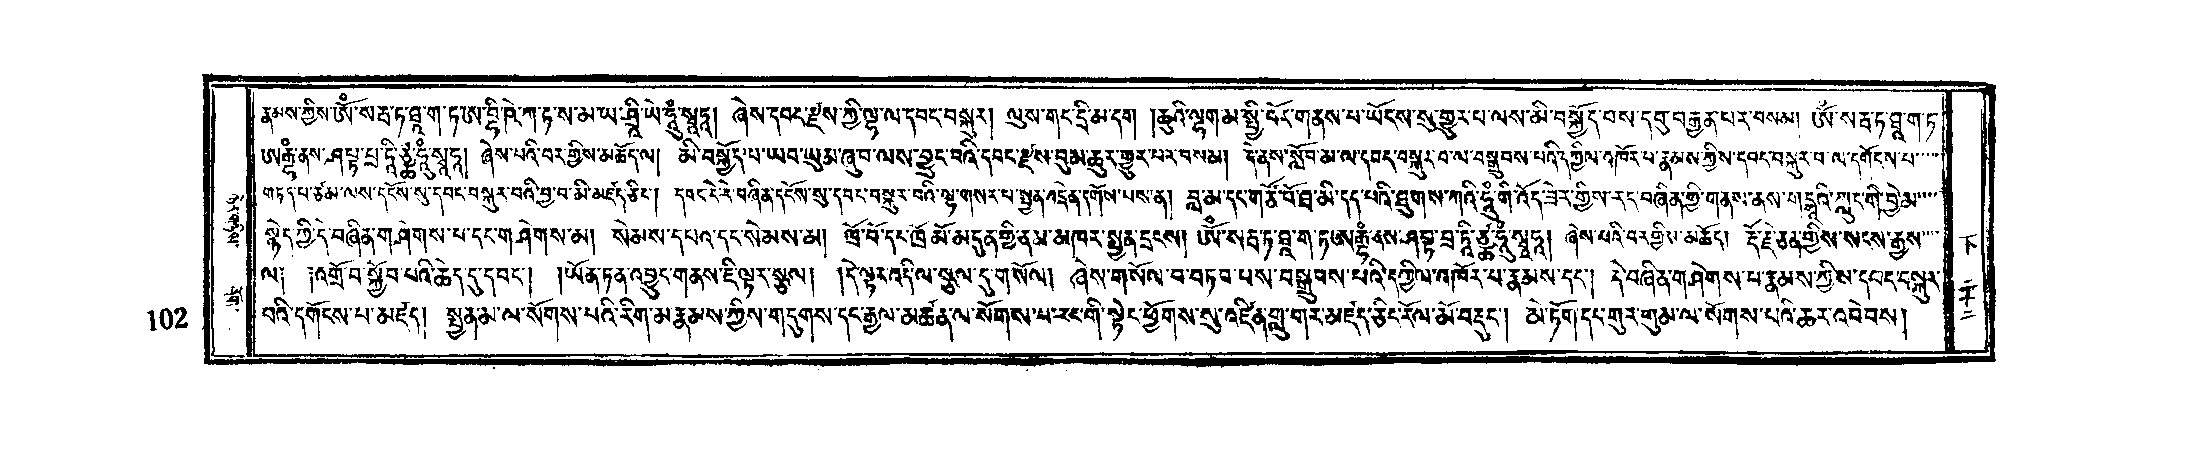རྣམས་ཀྱིས་ཨོཾ་སརྦ་ཏ་ཐཱ་ག་ཏ་ཨ་བྷི་ཥེ་ཀ་ཏ་ས་མ་ཡ་ཤྲཱི་ཡེ་ཧཱུཾ་སྭཱཧཱ། ཞེས་དབང་རྫས་ཀྱི་ལྷ་ལ་དབང་བསྐུར། ལུས་གང་དྲི་མ་དག །ཆུའི་ལྷག་མ་སྤྱི་བོར་གནས་པ་ཡོངས་སུ་གྱུར་པ་ལས་མི་བསྐྱོད་པས་དབུ་བརྒྱན་པར་བསམ། ཨོཾ་སརྦ་ཏ་ཐཱ་ག་ཏ་
ཨརྒྷཾ་ནས་ཤཔྟ་པྲ་ཏཱི་ཙྪ་ཧཱུཾ་སྭཱཧཱ། ཞེས་པའི་བར་གྱིས་མཆོད་ལ། མི་བསྐྱོད་པ་ཡབ་ཡུམ་ཞུ་བ་ལས་བྱུང་བའི་དབང་རྫས་བུམ་ཆུར་གྱུར་པར་བསམ། དེ་ནས་སློབ་མ་ལ་དབང་བསྐུར་བ་ལ་བསྒྲུབས་པའི་དཀྱིལ་འཁོར་པ་རྣམས་ཀྱིས་དབང་བསྐུར་བ་ལ་དགོངས་པ་
གཏད་པ་ཙམ་ལས་དངོས་སུ་དབང་བསྐུར་བའི་བྱ་བ་མི་མཛད་ཅིང་། དབང་རེ་རེ་བཞིན་དངོས་སུ་དབང་བསྐུར་བའི་ལྷ་གསར་པ་སྤྱན་འདྲེན་དགོས་པས་ན། བླ་མ་དང་གཙོ་བོ་ཐ་མི་དད་པའི་ཐུགས་ཀའི་ཧཱུཾ་གི་འོད་ཟེར་གྱིས་རང་བཞིན་གྱི་གནས་ནས་གངྒཱའི་ཀླུང་གི་བྱེ་མ་
སྙེད་ཀྱི་དེ་བཞིན་གཤེགས་པ་དང་གཤེགས་མ། སེམས་དཔའ་དང་སེམས་མ། ཁྲོ་བོ་དང་ཁྲོ་མོ་མདུན་གྱི་ནམ་མཁར་སྤྱན་དྲངས། ཨོཾ་སརྦ་ཏ་ཐཱ་ག་ཏ་ཨརྒྷཾ་ནས་ཤཔྟ་པྲ་ཏཱི་ཙྪ་ཧཱུཾ་སྭཱཧཱ། ཞེས་པའི་བར་གྱིས་མཆོད། རྡོ་རྗེ་ཅན་གྱིས་སངས་རྒྱས་
ལ། །འགྲོ་བ་སྐྱོབ་པའི་ཆེད་དུ་དབང་། །ཡོན་ཏན་འབྱུང་གནས་ཇི་ལྟར་སྩལ། །དེ་ལྟར་འདི་ལ་སྩལ་དུ་གསོལ། ཞེས་གསོལ་བ་བཏབ་པས་བསྒྲུབས་པའི་དཀྱིལ་འཁོར་པ་རྣམས་དང་། དེ་བཞིན་གཤེགས་པ་རྣམས་ཀྱིས་དབང་བསྐུར་
བའི་དགོངས་པ་མཛད། སྤྱན་མ་ལ་སོགས་པའི་རིག་མ་རྣམས་ཀྱིས་གདུགས་དང་རྒྱལ་མཚན་ལ་སོགས་པ་རང་གི་སྟེང་ཕྱོགས་སུ་འཛིན་གླུ་གར་མཛད་ཅིང་རོལ་མོ་བརྡུང་། མེ་ཏོག་དང་གུར་གུམ་ལ་སོགས་པའི་ཆར་འབེབས།